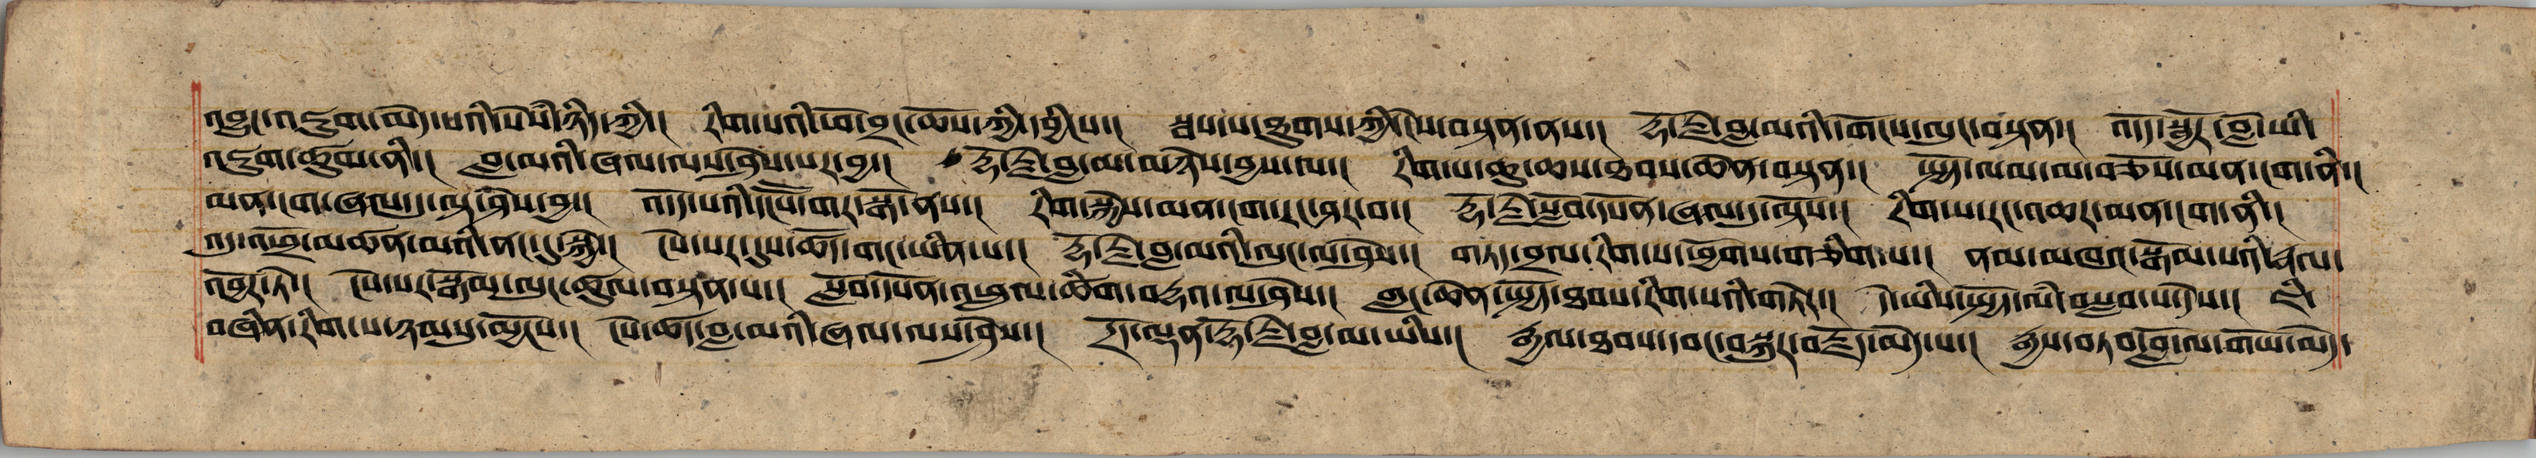འབྱུང་འཇུག་མེད་པའི་སེཾས་ཉིད་ཀྱི་། རིག་པའི་ཕོ་བྲང་ཆོས་ཀྱི་དབྱིངས་། སྦས་པ་ཐུགས་ཀྱི་ངེས་བསྟན་ནས་། རྡོ་རྗེ་བླ་མའི་དགོངས་ལུང་བསྟན་། འདོད་སྦྱོར་བློ་ཡི་
འཇུག་ཚུལ་ནི་ བླ་མའི་ཞལ་ལས་ཤེས་པར་བྱ་། རྡོ་རྗེ་བླ་མ་མཉེས་བྱས་ལ་། རིག་པ་ཆུ་ཆས་ཐེབས་ཆེན་བསྟན་། སྤྱོད་ལམ་མ་བཅོས་མན་ངག་ནི་།
མན་ངག་ཞལ་དུ་ལྟ་ཤེས་བྱ་། འདོད་པའི་དངཽས་གར་སྒོ་ནས་། རིག་སྐྱེས་མན་ངག་རང་ཤར་བ་། རྡོ་རྗེ་སློབ་དཔོན་ཞལ་དུ་ལྟོས་། རིག་པ་རང་འཆར་མན་ངག་ནི་།
འདུ་འཕྲོ་མཚན་མའི་ནང་དུ་སྐྱེ་། ངེས་པར་དུས་ཚོད་གང་ཡིན་པ་། རྡོ་རྗེ་བླ་མའི་ལུང་ལ་ཤེས་། གཏད་བྲལ་རིག་པ་ཕྱོགས་གཅིག་པ་། ནམ་མཁའ་སྒོམ་པའི་རྣལ་
འབྱོར་ཏེ་། ངེས་པར་སྒོམ་ལུང་ཚུལ་བསྟན་པ་། སློབ་དཔོན་འཕྲུལ་ཚིག་བརྡའ་ལ་ཤེས་། གླང་ཆེན་སྤྱོད་ཐབས་རིག་པའི་གཏེར་། དེ་ཡིས་སྤྱོད་ལཾ་བསླབ་པ་དེས་། ཇི་
བཞིན་རིག་པ་ཉམསུ་མྱོངས་། ངེས་ཚད་བླ་མའི་ཞལ་ལས་ཤེས་། དྲོད་ལྡན་རྡོ་རྗེ་བླ་མ་ཡིས་། རྒྱལ་ཐབས་དབང་བསྐུར་བརྗོད་མེད་པ་། རྒྱས་བཏབ་བློ་ལ་གཡོ་མེད་